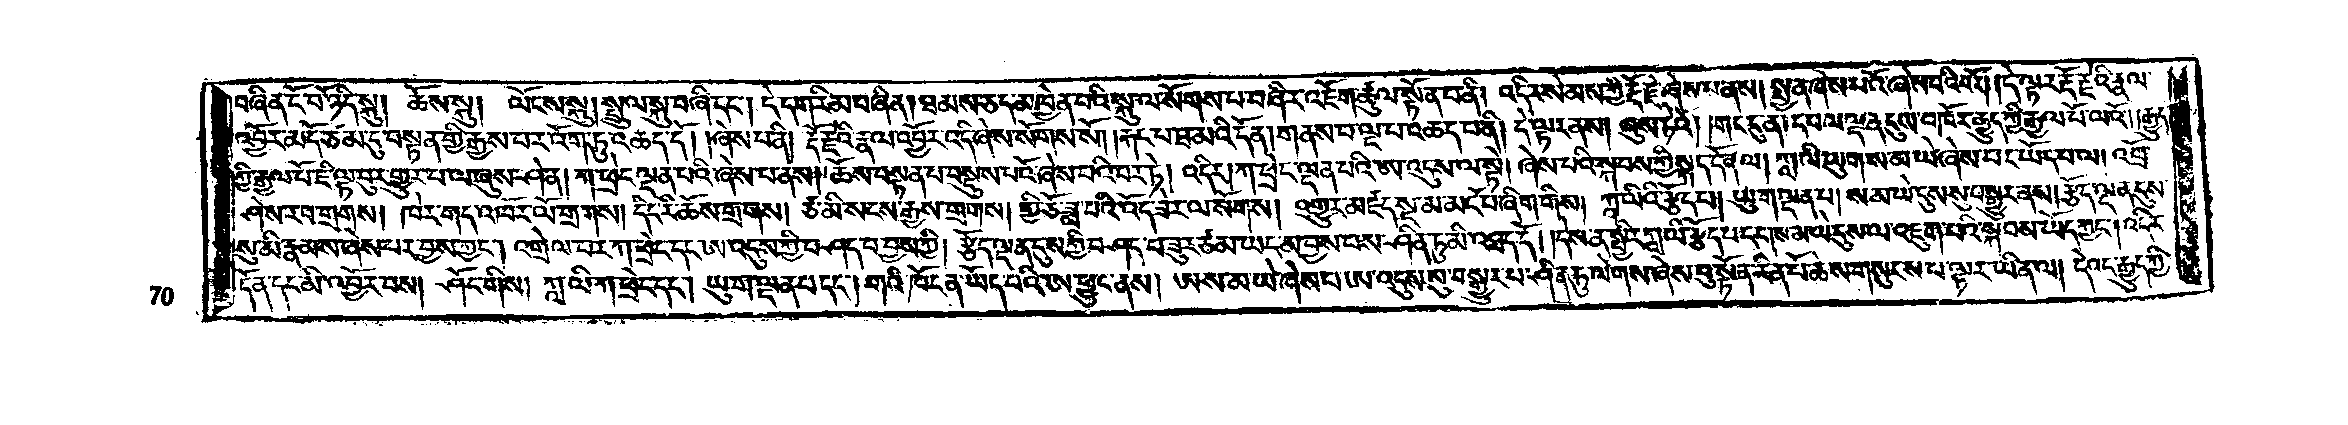བཞིན་ངོ་བོ་ཉིད་སྐུ། ཆོས་སྐུ། ལོངས་སྐུ། སྤྲུལ་སྐུ་བཞི་དང་། དེ་དག་རིམ་བཞིན། ཐམས་ཅད་མཁྱེན་པའི་སྐུ་ལ་སོགས་པ་བཞིར་འཇོག་ཚུལ་སྟོན་པ་ནི། འདིར་སེམས་ཀྱི་རྡོ་རྗེ་ཞེས་པ་ནས། སྤྱན་ཞེས་པའོ་ཞེས་པའི་བོར། །དེ་ལྟར་རྡོ་རྗེའི་རྣལ་
འབྱོར་མདོ་ཙམ་དུ་བསྟན་གྱི་རྒྱས་པར་འོག་ཏུ་འཆད་དོ། །ཞེས་པ་ནི། རྡོ་རྗེའི་རྣལ་འབྱོར་འདི་ཞེས་སོགས་སོ། །རྐང་པ་ཐ་མའི་དོན། གནས་པ་ལྔ་པ་འཆད་པ་ནི། དེ་ལྟར་ནས། ཞུས་ཏེའོ། །གང་དུ་ན། དཔལ་ལྡན་དུས་འཁོར་རྒྱུད་ཀྱི་རྒྱལ་པོ་ལའོ། །རྒྱུད་
ཀྱི་རྒྱལ་པོ་ཇི་ལྟ་བུར་གྱུར་པ་ལ་ཞུས་ཤེ་ན། ཀ་ཕྲེང་ལྡན་པའི་ཞེས་པ་ནས། །ཆོས་བསྟན་པ་བསྡུས་པའོ་ཞེས་པའི་བར་ཏེ། འདིར། ཀ་ཕྲེང་ལྡན་པའི་ཨ་འདུས་ལ་སྟེ། ཞེས་པའི་སྐབས་ཀྱི་སྐད་དོད་ལ། ཀཱ་ལི་ཡུག་ས་མ་ཡེ་ཞེས་པར་ཡོད་པ་ལ། འགྲོ་
ཤེས་རབ་གྲགས། ཁེར་གད་འཁོར་ལོ་གྲགས། དིང་རི་ཆོས་གྲགས། ཙ་མི་སངས་རྒྱས་གྲགས། གྱི་ཅོ་ཟླ་བའི་འོད་ཟེར་ལ་སོགས། འགྱུར་མཛད་སྔ་མ་མང་པོ་?་ཞིག་གིས། ཀཱ་ལིའི་རྩོད་པ། ཡུ་ག་ལྡན་པ། ས་མ་ཡེ་དུས་སུ་བསྒྱུར་ནས། རྩོད་ལྡན་དུས་
སུ་མི་རྣམས་ཞེས་པར་བྱས་ཀྱང་། འགྲེལ་པར་ཀ་ཕྲེང་དང་ཨ་འདུས་ཀྱི་བཤད་པ་བྱས་ཀྱི། རྩོད་ལྡན་དུས་ཀྱི་བཤད་པ་ཟུར་ཙམ་ཡང་མ་བྱས་པས་ཤིན་ཏུ་མི་འཐད་དོ། །དེས་ན་སྤྱིར་ཀཱ་ལི་རྩོད་པ་དང་། ས་མ་ཡེ་དུས་ལ་འཇུག་པའི་སྐབས་ཡོད་ཀྱང་། འདིར་
དོན་དང་མི་འབྱོར་བས། ཤོང་གིས། ཀཱ་ལི་ཀ་ཕྲེང་དང་། ཡུ་ག་ལྡན་པ་དང་། གའི་ཁོང་ན་ཡོད་པའི་ཨ་ཕྱུང་ནས། ཨ་ས་མ་ཡེ་ཞེས་པ་ཨ་འདུས་སུ་བསྒྱུར་བ་ཤིན་ཏུ་ལེགས་ཞེས་བུ་སྟོན་རིན་པོ་ཆེས་གསུངས་པ་ལྟར་ཡིན་ལ། དེའང་རྒྱུད་ཀྱི་